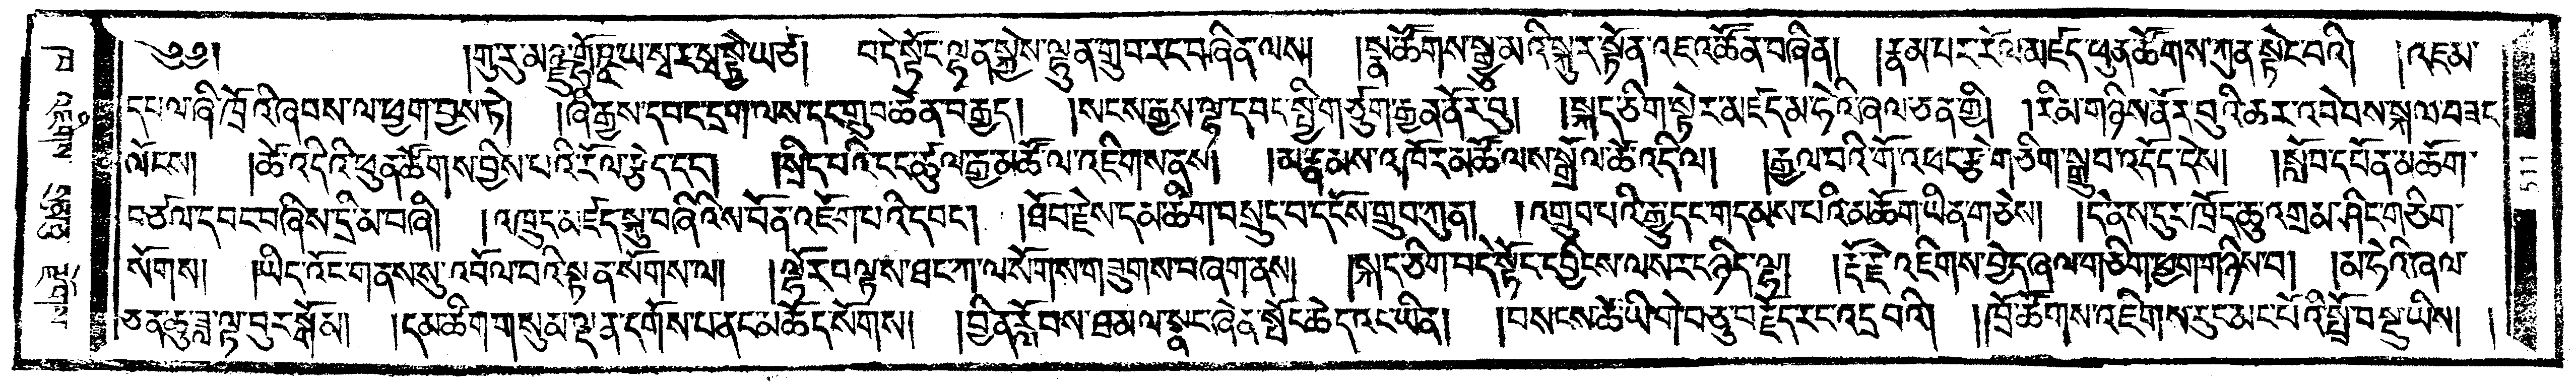༄༅། །གུ་རུ་མཉྫུ་གྷོ་ཥཱ་ཡ་སྭ་ར་སྭ་སྟཻ་ཡ་ཙ། བདེ་སྟོང་ལྷན་སྐྱེས་ལྷུན་གྲུབ་རང་བཞིན་ལས། །སྣ་ཚོགས་སྒྱུ་མའི་སྐུར་སྟོན་འཇའ་ཚོན་བཞིན། །རྣམ་པར་རོལ་མཛད་ཕུན་ཚོགས་ཀུན་སྟེང་བའི། །འཇམ་
དཔལ་ཞི་ཁྲོའི་ཞབས་ལ་ཕྱག་བྱས་ཏེ། །ཞི་རྒྱས་དབང་དྲག་ལས་དང་གྲུབ་ཆེན་བརྒྱད། །སངས་རྒྱས་ལྷ་དབང་སྤྱི་གཙུག་རྒྱན་ནོར་བུ། །སྐད་ཅིག་སྟེར་མཛད་མ་ཧེའི་ཞལ་ཅན་གྱི། །རིམ་གཉིས་ནོར་བུའི་ཆར་འབེབས་སྐལ་བཟང་
ལོངས། །ཚེ་འདིའི་ཕུན་ཚོགས་བྱིས་པའི་རོལ་རྩེད་དང་། །སྲིད་པའི་ངང་ཚུལ་རྒྱ་མཚོ་ལ་འཇིགས་ནས། །མ་རྣམས་འཁོར་མཚོ་ལས་སྒྲོལ་ཚེ་འདི་ལ། །རྒྱལ་བའི་གོ་འཕང་རྩེ་གཅིག་སྒྲུབ་འདོད་དེས། །སློབ་དཔོན་མཆོག་
བཙལ་དབང་བཞིས་དྲི་མ་བཞི། །འཁྲུང་མཛད་སྐུ་བཞིའི་ས་བོན་འཇོག་པའི་དབང་། །ཐོབ་རྗེས་དམ་ཚིག་བསྲུང་བ་དངོས་གྲུབ་ཀུན། །འགྲུབ་པའི་རྒྱུ་དང་གདམས་པའི་མཆོག་ཡིན་གཅེས། །དེ་ནས་དུར་ཁྲོད་ཆུ་འགྲམ་ཤིང་གཅིག་
སོགས། །ཡིད་འོང་གནས་སུ་འབོལ་བའི་སྟན་སོགས་ལ། །ལྷོར་བལྟས་ཐང་ཀ་ལ་སོགས་གཟུགས་བཞག་ནས། །སྐད་ཅིག་བདེ་སྟོང་དབྱིངས་ལས་རང་ཉིད་ལྷ། །རྡོ་རྗེ་འཇིགས་བྱེད་ཞལ་གཅིག་ཕྱག་གཉིས་བ། །མ་ཧེའི་ཞལ་
ཅན་ཆུ་ཟླ་ལྟ་བུར་སྒོམ། །དམ་ཚིག་གསུམ་ལྡན་དགོས་པ་ནང་མཆོད་སོགས། །བྱིན་རློབས་ཐ་མལ་སྣང་ཞེན་སྤོང་ཆེད་འང་ཡིན། །བསངས་ཚེ་ཡི་གེ་བཅུ་བརྗོད་རང་འདྲ་བའི། །ཁྲོ་ཚོགས་འཇིགས་རུང་མང་པོའི་སྤྲོ་བསྡུ་ཡིས། །